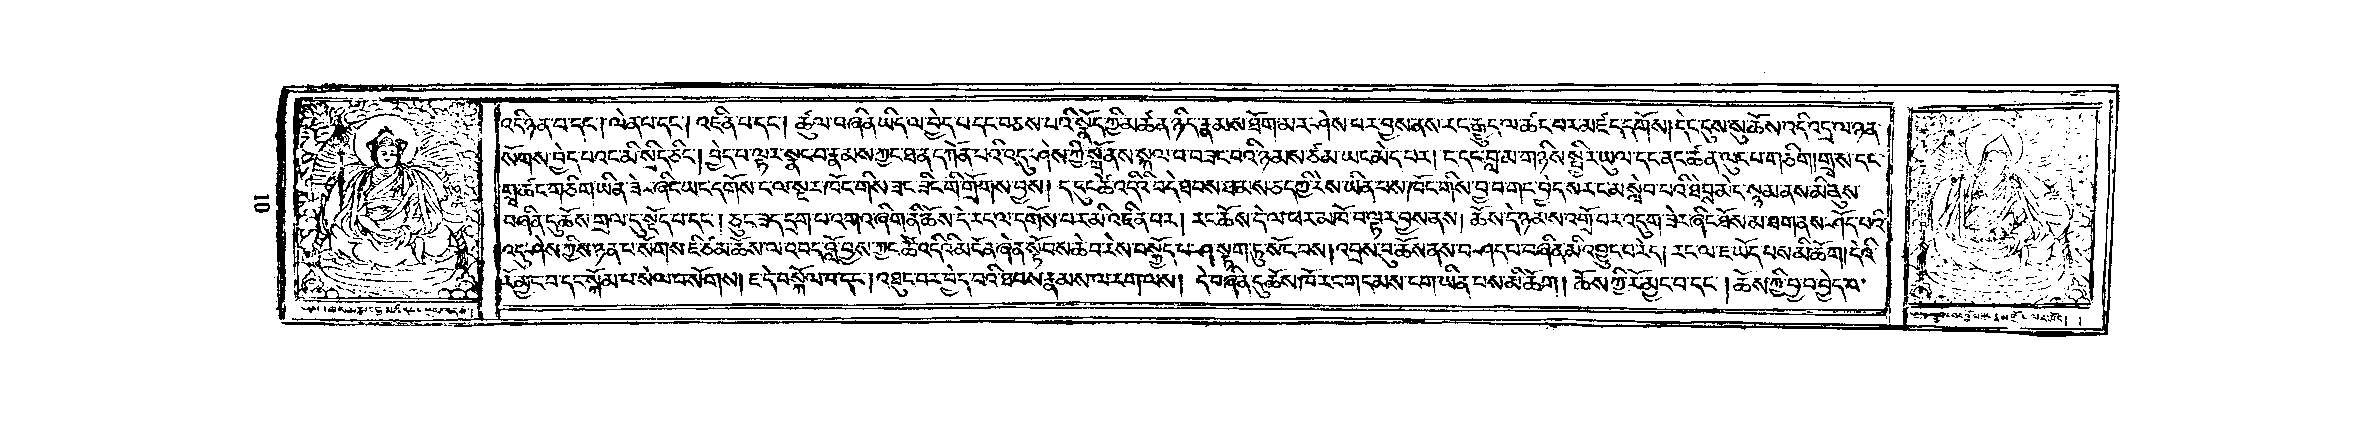འདི་ཉན་པ་དང་། ལེན་པ་དང་། འཛིན་པ་དང་། ཚུལ་བཞིན་ཡིད་ལ་བྱེད་པ་དང་བཅས་པའི་སྣོད་ཀྱི་མཚན་ཉིད་རྣམས་ཐོག་མར་ཤེས་པར་བྱས་ནས་རང་རྒྱུད་ལ་ཚང་བར་མཛད་དགོས། དེང་དུས་སུ་ཆོས་འདི་འདྲ་ལ་ཉན་
སོགས་བྱེད་པའང་མི་སྲིད་ཅིང་། བྱེད་པ་ལྟར་སྣང་བ་རྣམས་ཀྱང་ཐ་ན་དཀོན་པའི་འདུ་ཤེས་ཀྱི་སྒོ་ནས་སྐལ་བ་བཟང་བའི་ཉམས་ཙམ་ཡང་མེད་པར། ང་དང་བླ་མ་གཉིས་སྤྱིར་ཡུལ་དང་ནང་ཚན་ལུང་པ་གཅིག །གྲྭ་ས་དང་
གྲྭ་ཚང་གཅིག་ཡིན་ཟེར་ཞིང་ཡང་དགོས་ང་ལ་སྔར་ཁོང་གིས་ཟང་ཟིང་གི་གྲོགས་བྱས། ད་དུང་ཚེ་འདིའི་བདེ་ཐབས་ཐམས་ཅད་ཀྱི་རེས་ཡིན་པས་ཁོང་གིས་བྱ་བ་གང་བྱེད་སར་ང་མ་སླེབ་པའི་ཐེབས་མེད་སྙམ་ནས་མི་ནུས་
བཞིན་དུ་ཆོས་གྲལ་དུ་སྡོད་པ་དང་། ཅུང་ཟད་དྲག་པ་འགའ་ཞིག་ནི་ཆོས་དེ་རང་ལ་དགོས་པར་མི་འཛིན་པར། རང་ཆོས་དེ་ལ་ཕར་མཁོ་བ་ལྟར་བྱས་ནས། ཆོས་དེ་ཉམས་འགྲོ་བར་འདུག་ཟེར་ཞིང་ཐོས་མ་ཐག་ནས་ཤོད་པའི་
འདུ་ཤེས་ཀྱིས་ཉན་པ་སོགས་ཇི་ཙམ་ཆོས་ལ་འབད་བློ་བྱས་ཀྱང་ཚེ་འདིའི་མངོན་ཞེན་སྟོབས་ཆེ་བ་རེས་བསྐྱོད་པ་ཤ་སྟག་ཏུ་སོང་བས། འབྲས་བུ་ཆོས་ནས་བཤད་པ་བཞིན་མི་འབྱུང་བ་རེད། རང་ལ་ཇ་ཡོད་པས་མི་ཆོག །དེའི་
རོ་མྱང་བ་དང་སྐོམ་པ་སེལ་བ་སོགས། ཇ་དེ་བསྐོལ་བ་དང་། འཐུང་བར་བྱེད་པའི་ཐབས་རྣམས་ལ་རག་ལས། དེ་བཞིན་དུ་ཆོས་ཁོ་རང་གདམས་ངག་ཡིན་པས་མི་ཆོག །ཆོས་ཀྱི་རོ་མྱང་བ་དང་། ཆོས་ཀྱི་བྱ་བ་བྱེད་པ་